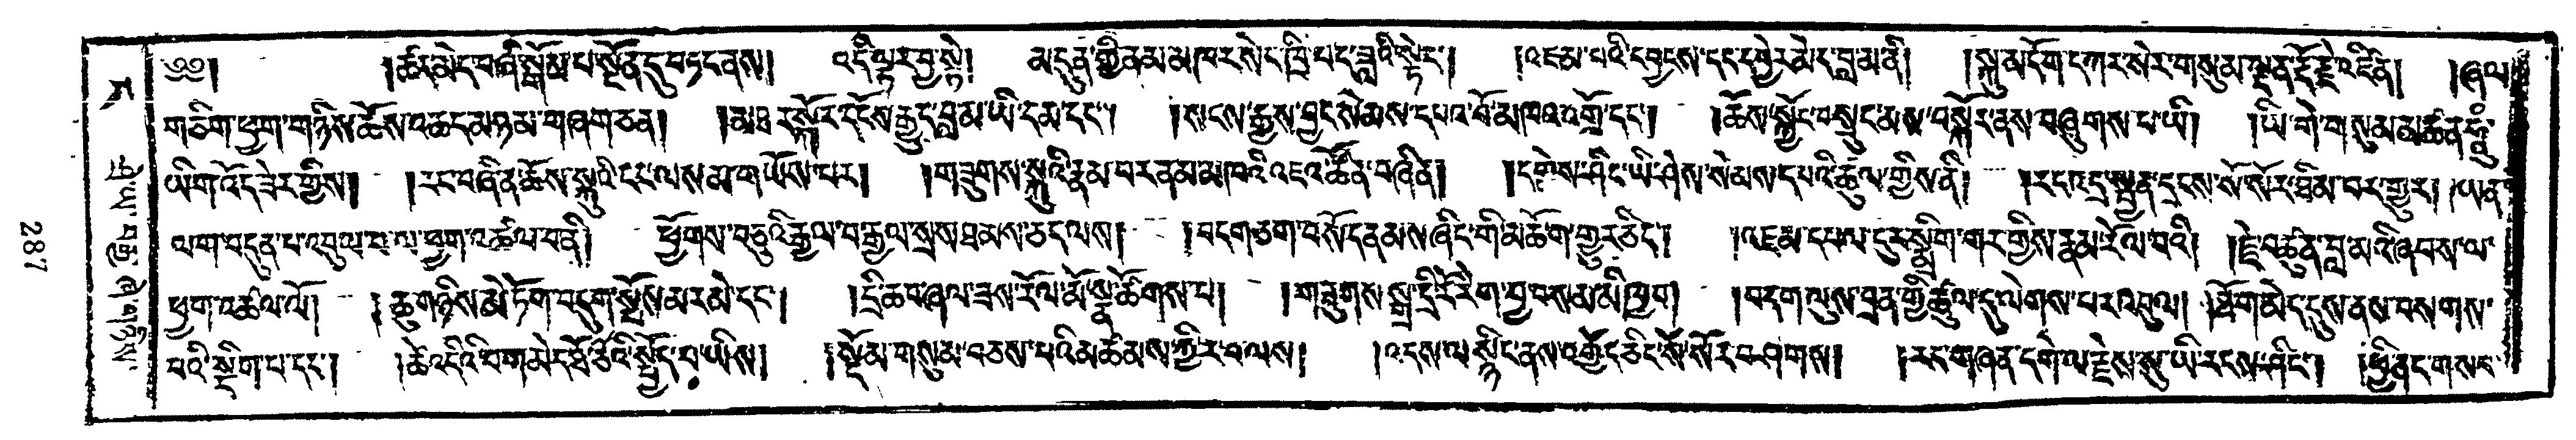༄༅། །ཚད་མེད་བཞི་སྒོམ་པ་སྔོན་དུ་བཏང་ནས། འདི་ལྟར་བྱ་སྟེ། མདུན་གྱི་ནམ་མཁར་སེང་ཁྲི་པད་ཟླའི་སྟེང་། །འཇམ་པའི་དབྱངས་དང་དབྱེར་མེད་བླ་མ་ནི། །སྐུ་མདོག་དཀར་སེར་གསུམ་ལྡན་རྡོ་རྗེ་འཛིན། །ཞལ་
གཅིག་ཕྱག་གཉིས་ཆོས་འཆད་མཉམ་གཞག་ཅན། །མཐར་སྐོར་དངོས་རྒྱུད་བླ་མ་ཡི་དམ་དང་། །སངས་རྒྱས་བྱང་སེམས་དཔའ་བོ་མཁའ་འགྲོ་དང་། །ཆོས་སྐྱོང་བསྲུང་མས་བསྐོར་ནས་བཞུགས་པ་ཡི། །ཡི་གེ་གསུམ་མཚན་ཧཱུཾ་
ཡིག་འོད་ཟེར་གྱིས། །རང་བཞིན་ཆོས་སྐུའི་ངང་ལས་མ་གཡོས་པར། །གཟུགས་སྐུའི་རྣམ་པར་ནམ་མཁའི་འཇའ་ཚོན་བཞིན། །དགྱེས་ཤིང་ཡི་ཤེས་སེམས་དཔའི་ཚུལ་གྱིས་ནི། །རང་འདྲ་སྤྱན་དྲངས་སོ་སོར་ཐིམ་བར་གྱུར། །ཡན་
ལག་བདུན་པ་འབུལ་བ་ལ་ཕྱག་འཚལ་བ་ནི། ཕྱོགས་བཅུའི་རྒྱལ་བ་རྒྱལ་སྲས་ཐམས་ཅད་ལས། །བདག་ཅག་བསོད་ནམས་ཞིང་གི་མཆོག་གྱུར་ཅིང་། །འཇམ་དཔལ་དུར་སྨྲིག་གར་གྱིས་རྣམ་རོལ་བའི། །རྗེ་བཙུན་བླ་མའི་ཞབས་ལ་
ཕྱག་འཚལ་ལོ། །ཆུ་གཉིས་མེ་ཏོག་བདུག་སྤོས་མར་མེ་དང་། །དྲི་ཆབ་ཞལ་ཟས་རོལ་མོ་སྣ་ཚོགས་པ། །གཟུགས་སྒྲ་དྲི་རོ་རེག་བྱ་བསམ་མི་ཁྱབ། །བདག་ལུས་བྲན་གྱི་ཚུལ་དུ་ལེགས་པར་འབུལ། །ཐོག་མེད་དུས་ནས་བསགས་
པའི་སྡིག་པ་དང་། །ཚེ་འདིའི་བག་མེད་ཐོ་ཙའི་སྤྱོད་པ་ཡིས། །སྡོམ་གསུམ་བཅས་པའི་མཚམས་ཀྱི་ར་བ་ལས། །འདས་ལ་སྙིང་ནས་འགྱོད་ཅིང་སོ་སོར་བཤགས། །རང་གཞན་དགེ་ལ་རྗེས་སུ་ཡི་རངས་ཤིང་། །ཕྱི་ནང་གསང་